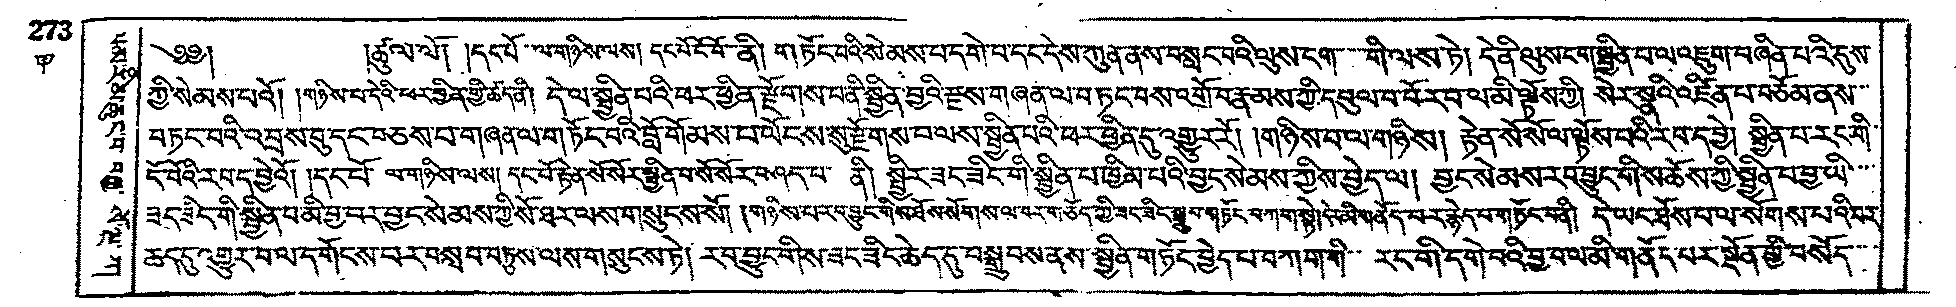༄༅། །ཚུལ་ལོ། །དང་པོལ་གཉིས་ལས། དང་པོ་ངོ་བོནི། གཏོང་བའི་སེམས་པ་དགེ་བ་དང་དེས་ཀུན་ནས་བསླང་བའི་ལུས་ངགི་ལས་ཏེ། དེ་ནི་ལུས་ངག་སྦྱིན་པ་ལ་འཇུག་བཞིན་པའི་དུས་
ཀྱི་སེམས་པའོ། །གཉིས་པ་དེའི་ཕར་ཕྱིན་གྱི་ཚད་ནི།  དེ་ལ་སྦྱིན་པའི་ཕར་ཕྱིན་རྫོགས་པ་ནི་སྦྱིན་བྱའི་རྫས་གཞན་ལ་བཏང་བས་འགྲོ་བ་རྣམས་ཀྱི་དབུལ་བ་བོར་བ་ལ་མི་སྟོས་ཀྱི། སེར་སྣའི་འཛིན་པ་བཅོམ་ནས་
བཏང་བའི་འབྲས་བུ་དང་བཅས་པ་གཞན་ལ་གཏོང་བའི་བློ་གོམས་པ་ཡོངས་སུ་རྫོགས་པ་ལས་སྦྱིན་པའི་ཕར་ཕྱིན་དུ་འགྱུར་རོ། །གཉིས་པ་ལ་གཉིས། རྟེན་སོ་སོ་ལ་ལྟོས་པའི་རབ་དབྱེ། སྦྱིན་པ་རང་གི་
ངོ་བོའི་རབ་དབྱེའོ། །དང་པོལ་གཉིས་ལས། དང་པོ་རྟེན་སོ་སོར་སྦྱིན་པ་སོ་སོར་བཤད་པནི། སྤྱིར་ཟང་ཟིང་གི་སྦྱིན་པ་ཁྱིམ་པའི་བྱང་སེམས་ཀྱིས་བྱེད་ལ། བྱང་སེམས་རབ་བྱུང་གིས་ཆོས་ཀྱི་སྦྱིན་པ་བྱ་ཡི་
ཟང་ཟིང་གི་སྦྱིན་པ་མི་བྱ་བར་བྱང་སེམས་ཀྱི་སོ་ཐར་ལས་གསུངས་སོ། །གཉིས་པ་རབ་བྱུང་གིས་ཐོས་སོགས་ལ་བར་གཅོད་ཀྱི་ཟང་ཟིང་སྒྲུབ་གཏོང་བཀག་སྟེ། དེར་མི་གནོད་པར་རྙེད་པ་གཏོང་པ་ནི།  དེ་ཡང་ཐོས་པ་ལ་སོགས་པའི་བར་
ཆད་དུ་འགྱུར་བ་ལ་དགོངས་པར་བསླབ་བཏུས་ལས་གསུངས་ཏེ། རབ་བྱུང་གིས་ཟང་ཟིང་ཆེད་དུ་བསྒྲུབས་ནས་སྦྱིན་གཏོང་བྱེད་པ་བཀག་གིརང་གི་དགེ་བའི་བྱ་བ་ལ་མི་གནོད་པར་སྔོན་གྱི་བསོད་